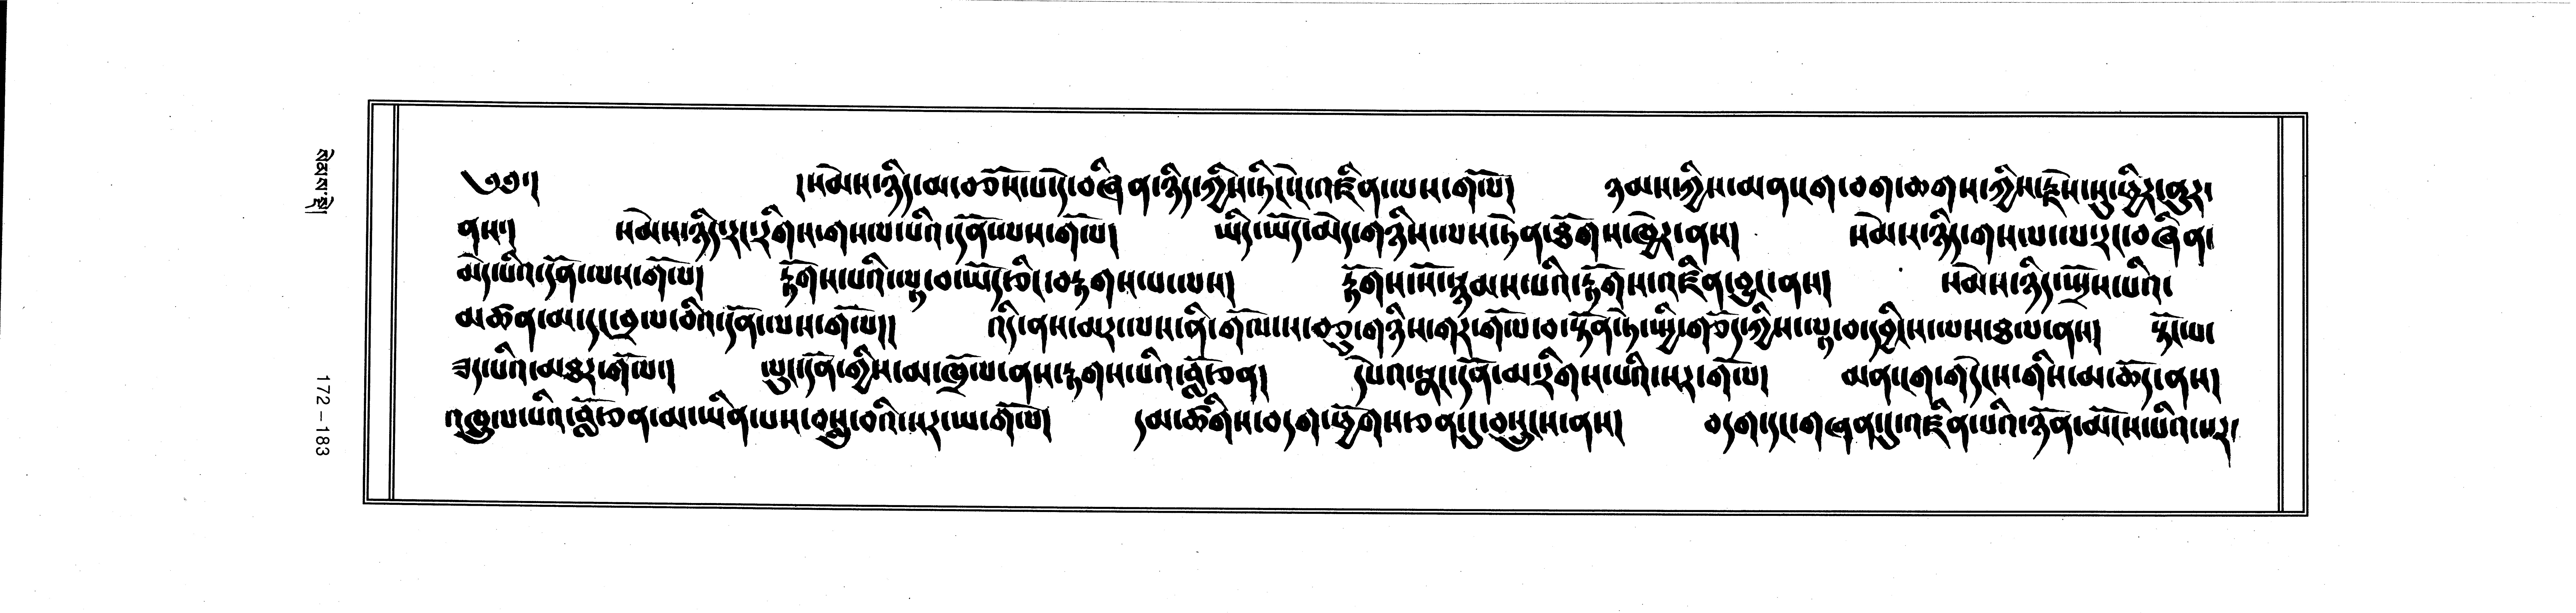སེམས་ཉིད་མ་བཅོས་པ་དེ་བཞིན་ཉིད་ཀྱིས་ཏིང་ངེ་འཛིན་ལས་གོལ། ཉམས་ཀྱིས་མན་ངག་བག་ཆགས་ཀྱིས་རྗེས་སུ་ཕྱིར་ནུར་
ནས། སེམས་ཉིད་རང་རིག་གསལ་པའི་དོན་ལས་གོལ། ཡིད་ཡོད་མེད་གཉིས་ལས་ཏེན་ཐོགས་ཁྱེར་ནས། སེམས་ཉིད་གསལ་ལ་རང་བཞིན་
མེད་པའི་དོན་ལས་གོལ། རྟོགས་པའི་ལྟ་བ་ཡོད་ཅིང་བརྟགས་པ་ལས། རྟོགས་སོ་སྙམས་པའི་རྟོགས་འཛིན་བྱུང་ནས། སེམས་ཉིད་སྤྲོས་པའི་
མཚན་མ་དང་བྲལ་བའི་དོན་ལས་གོལ། འདི་ནས་མར་ལས་ནི་གོལ་ས་བཅུ་གཉིས་གར་གོལ་བ་སྟོན་ཏེ་སྤྱི་གཅོད་ཀྱིས་ལྟ་བ་དབྱིངས་ལས་ཐལ་ནས། སྟོང་པ་
ཟད་པའི་མཐར་གོལ། ལུང་དོན་གྱིས་མ་ཁྲོལ་ནས་རྟགས་པའི་བློ་ཅན། དཔེའ་སྣང་དོན་མ་རིག་པའི་སར་གོལ། མན་ངག་གདེང་གིས་མ་ཆོད་ནས། 
འཁྲུལ་པའི་བློ་ཅན་མ་ཡིན་པས་བསླུ་བའི་སར་གོལ། དམ་ཚིགས་བདག་ཕྱོགས་ཅན་དུ་བསྲུངས་ནས། བདག་དང་གཞན་དུ་འཛིན་པའི་ཉོན་མོངས་པའི་སར་